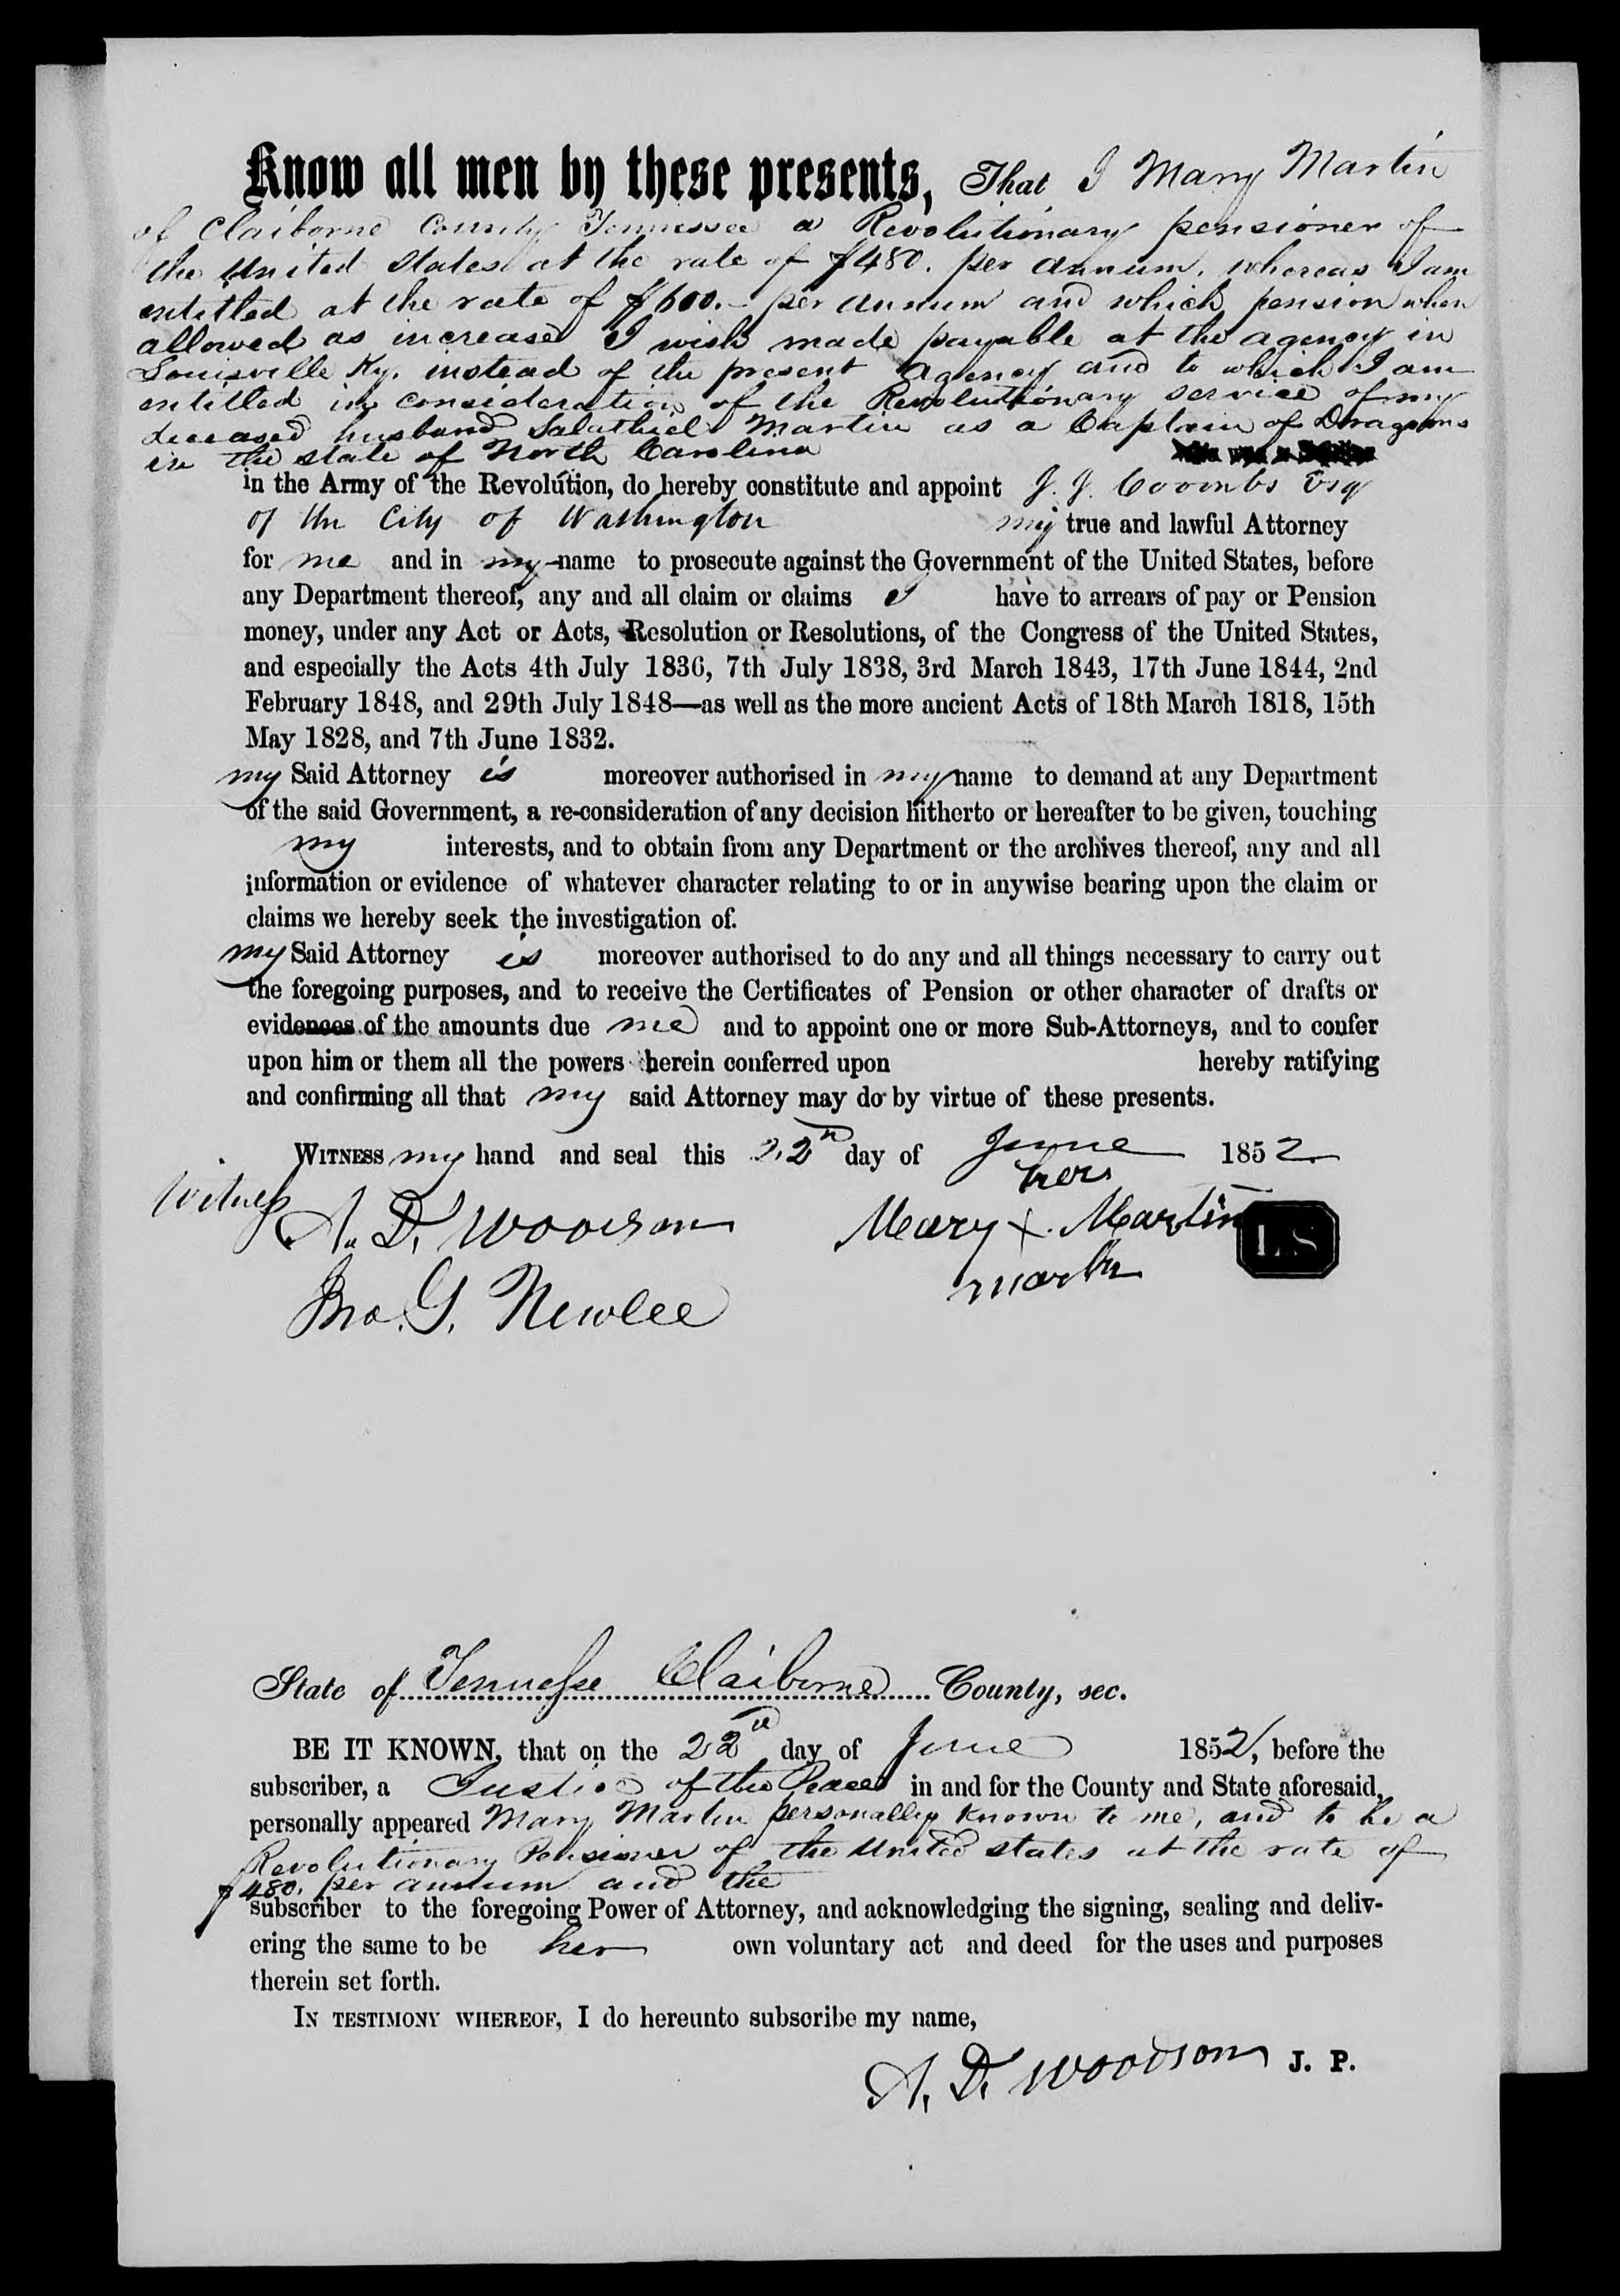[printed form, handwritten responses]
know all men by these presents, That I Mary Martin
of Claiborne County Tennessee a Revolutionary pensioner of
the United States at the rate of $480 per annum, whereas I am
entitled at the rate of $600. per annum and which pension when
allowed as increase I wish made payable at the agency in
Louisville Ky, instead of the present agency and to which I am
entitled in consideration of the Revolutionary service of my
deceased husband Salathiel Martin as a Captain of Dragoos
in the State of North Carolina
in the Army of the Revolution, do hereby constitute and appoint J. J. Coombs Esq
of the City of Washington my true and lawful Attorney
for me and in my name to prosecute against the Government of the United States, before
any Department thereof, any and all claim or claims I have to arrears of pay or Pension
money, under any Act or Acts, Resolution or Resolutions, of the Congress of the United States,
and especially the Acts 4th July 1836, 7th July 1838, 3rd March 1843, 17th June 1844, 2nd
February 1848, and 29th July 1848 -- as well as the more ancient Acts of 18th March 1818, 15th
May 1828, and 7th June 1832.
my Said Attorney is moreover authorised in my name to demand at any Department
of the said Government, a re-consideration of any decision hitherto or hereafter to be given, touching
my interests, and to obtain from any Department or the archives thereof, any and all
information or evidence of whatever character relating to or in anywise bearing upon the claim or
claims we hereby seek the investigation of.
my said Attorney is moreover authorised to do any and all things necessary to carry out
the foregoing purposes, and to receive the Certificates of Pension or other character of drafts or
evidences of the amounts due me and to appoint one or more Sub-Attorneys, and to confer
upon him or them all the powers herein conferred upon [blank] hereby ratifying
and confirming all that my said Attorney may do by virtue of these presents.
Witness my hand and seal this 22nd day of June 1852
Witness my hand and seal this 22d day of June 1852.
Mary her x mark Martin
witness
A.D. Woodson
Jno. G. Newlee

State of Tennessee Claiborne County, sec
BE IT KNOWN, that on the 22d day of June 1852, before the
subscriber, a Justice of the Peace in and for the County and State aforesaid,
personally appeared Mary Martin personally known to me, and to be a
Revolutionary Pensioner of the United States at the rate of
480 per annum and the
subscriber to the foregoing Power of Attorney, and acknowledging the signing, sealing and deliv-
ering the same to be her own voluntary act and deed for the uses and purposes
therein set forth.
IN TESTIMONY WHEREOF, I do hereunto subscribe my name,
A.D. Woodson J. P.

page: 115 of 120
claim: widow's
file: W. 1044, for Salathiel Martin, North Carolina